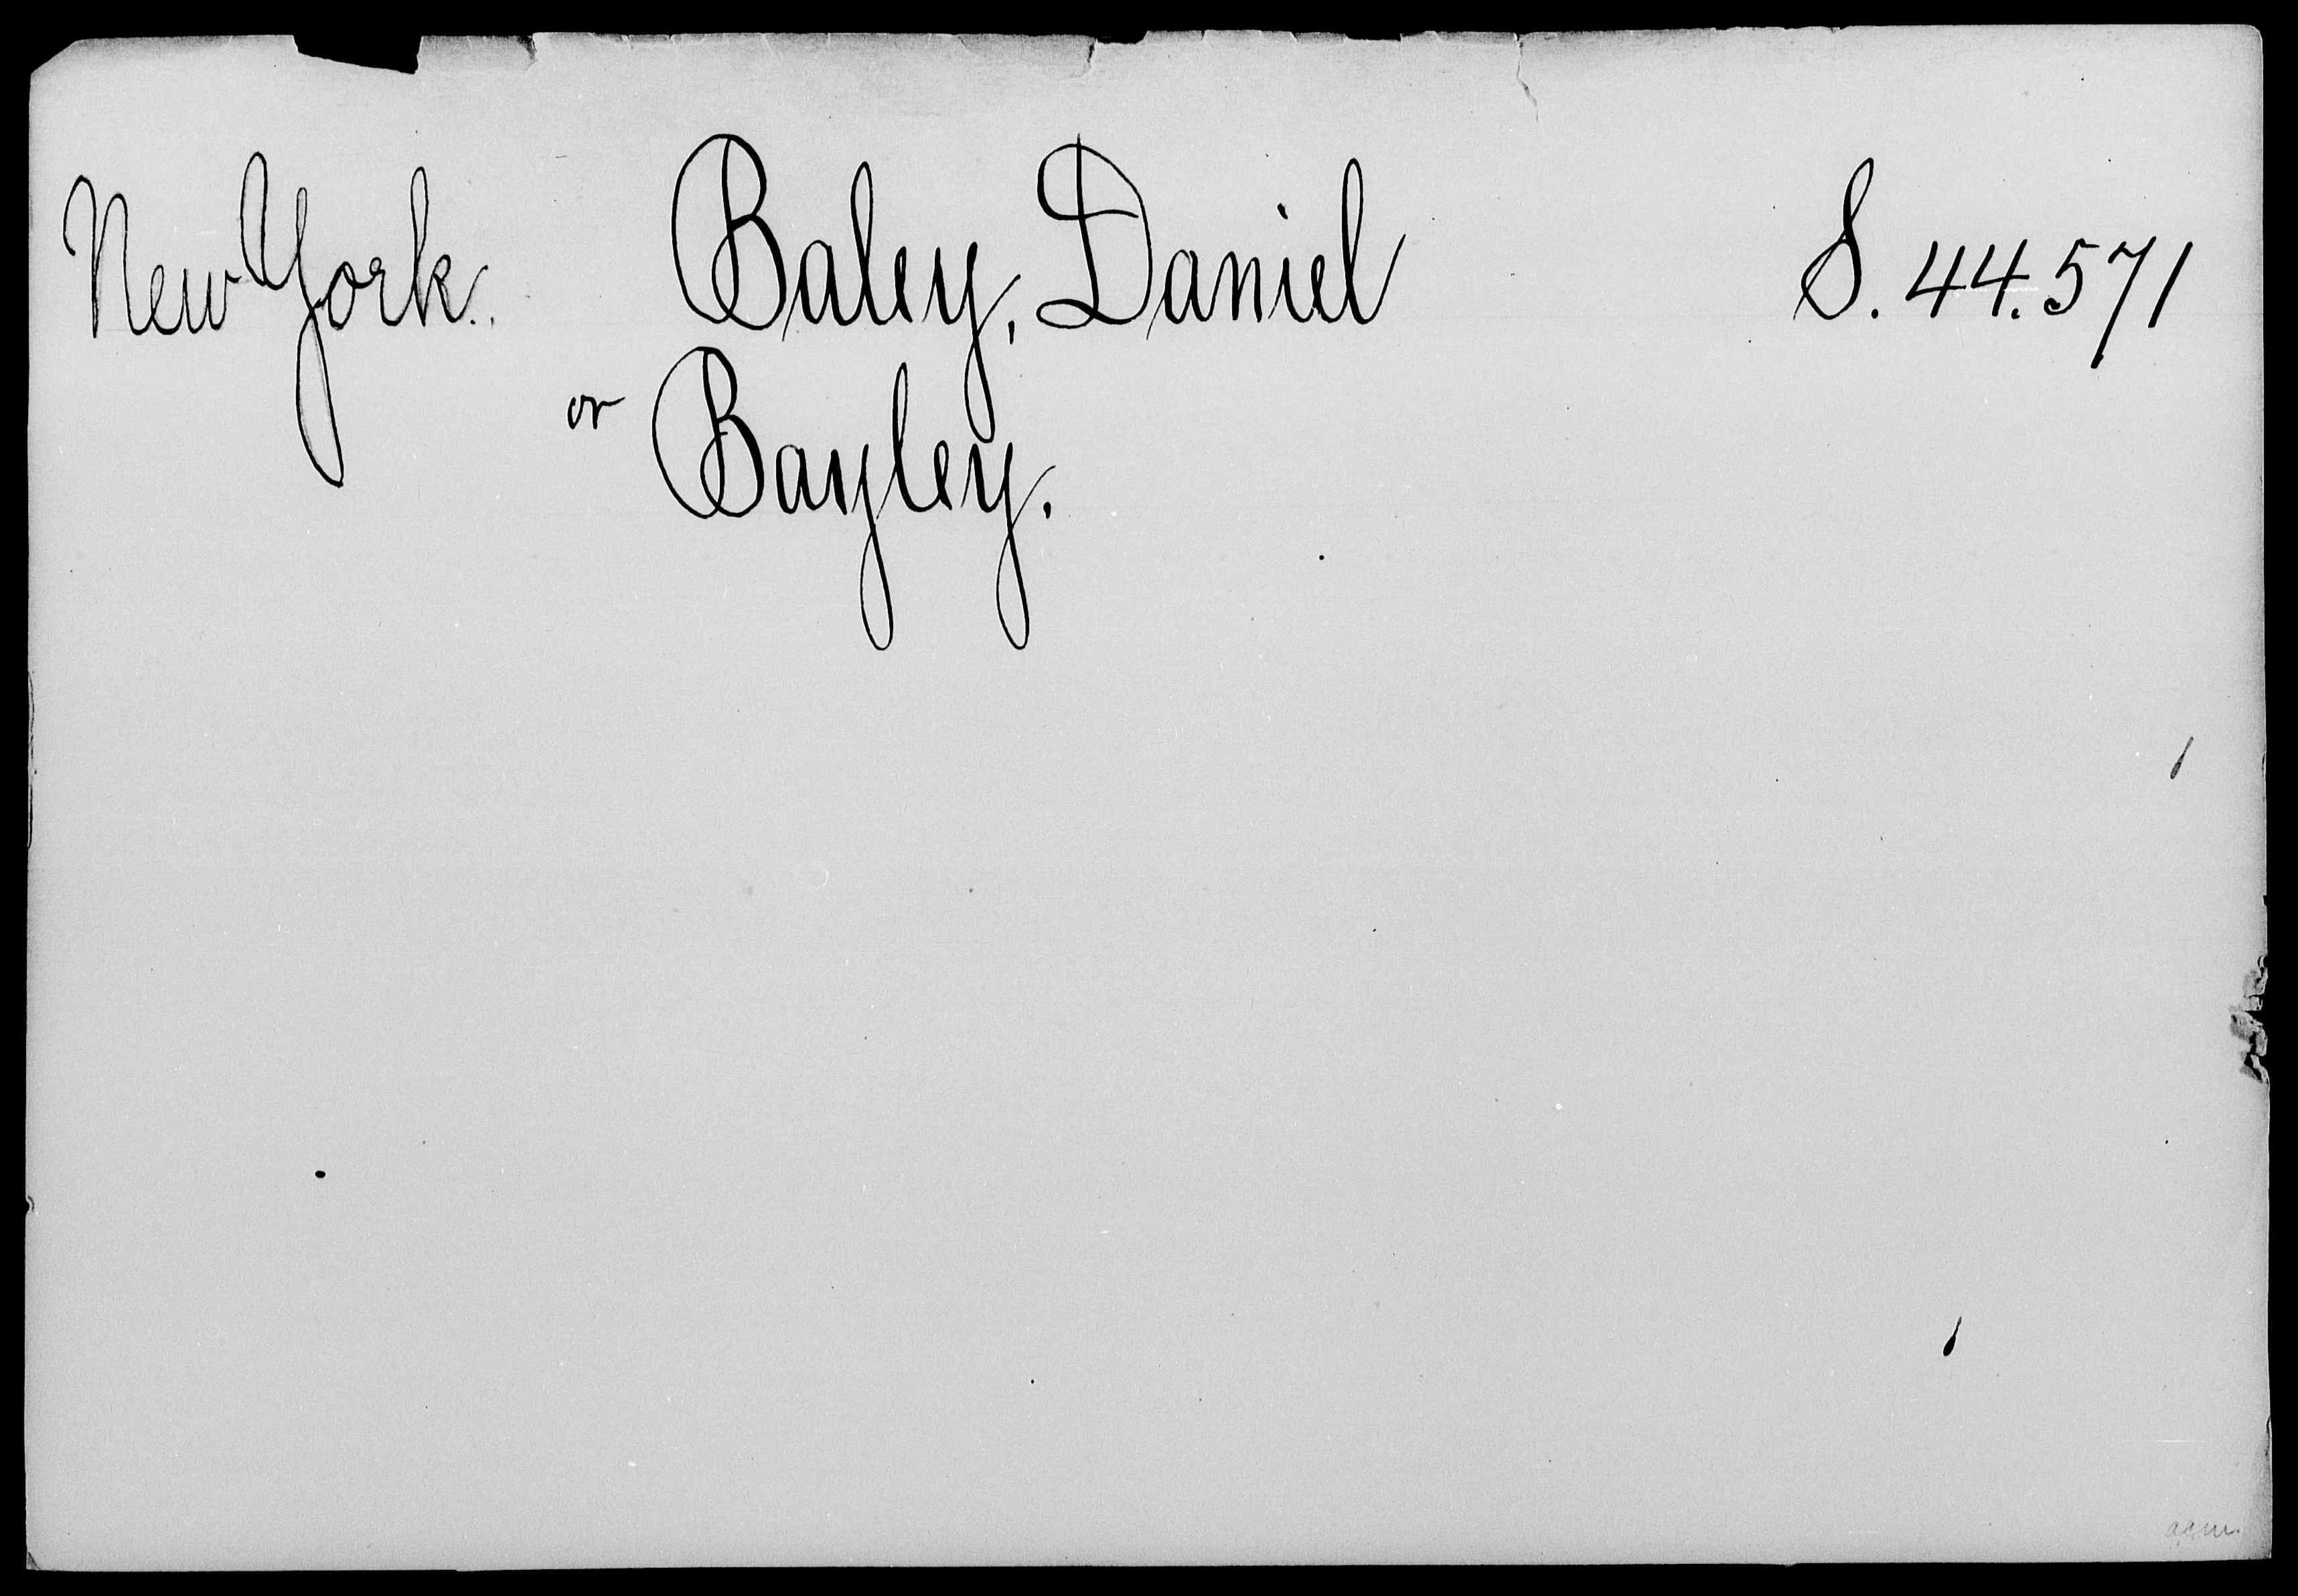New York      Baley, Daniel     S.44.571
or Bayley,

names: Daniel Bayley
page: 1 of 1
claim: survivor's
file: S 44,571, Daniel Baley, New York